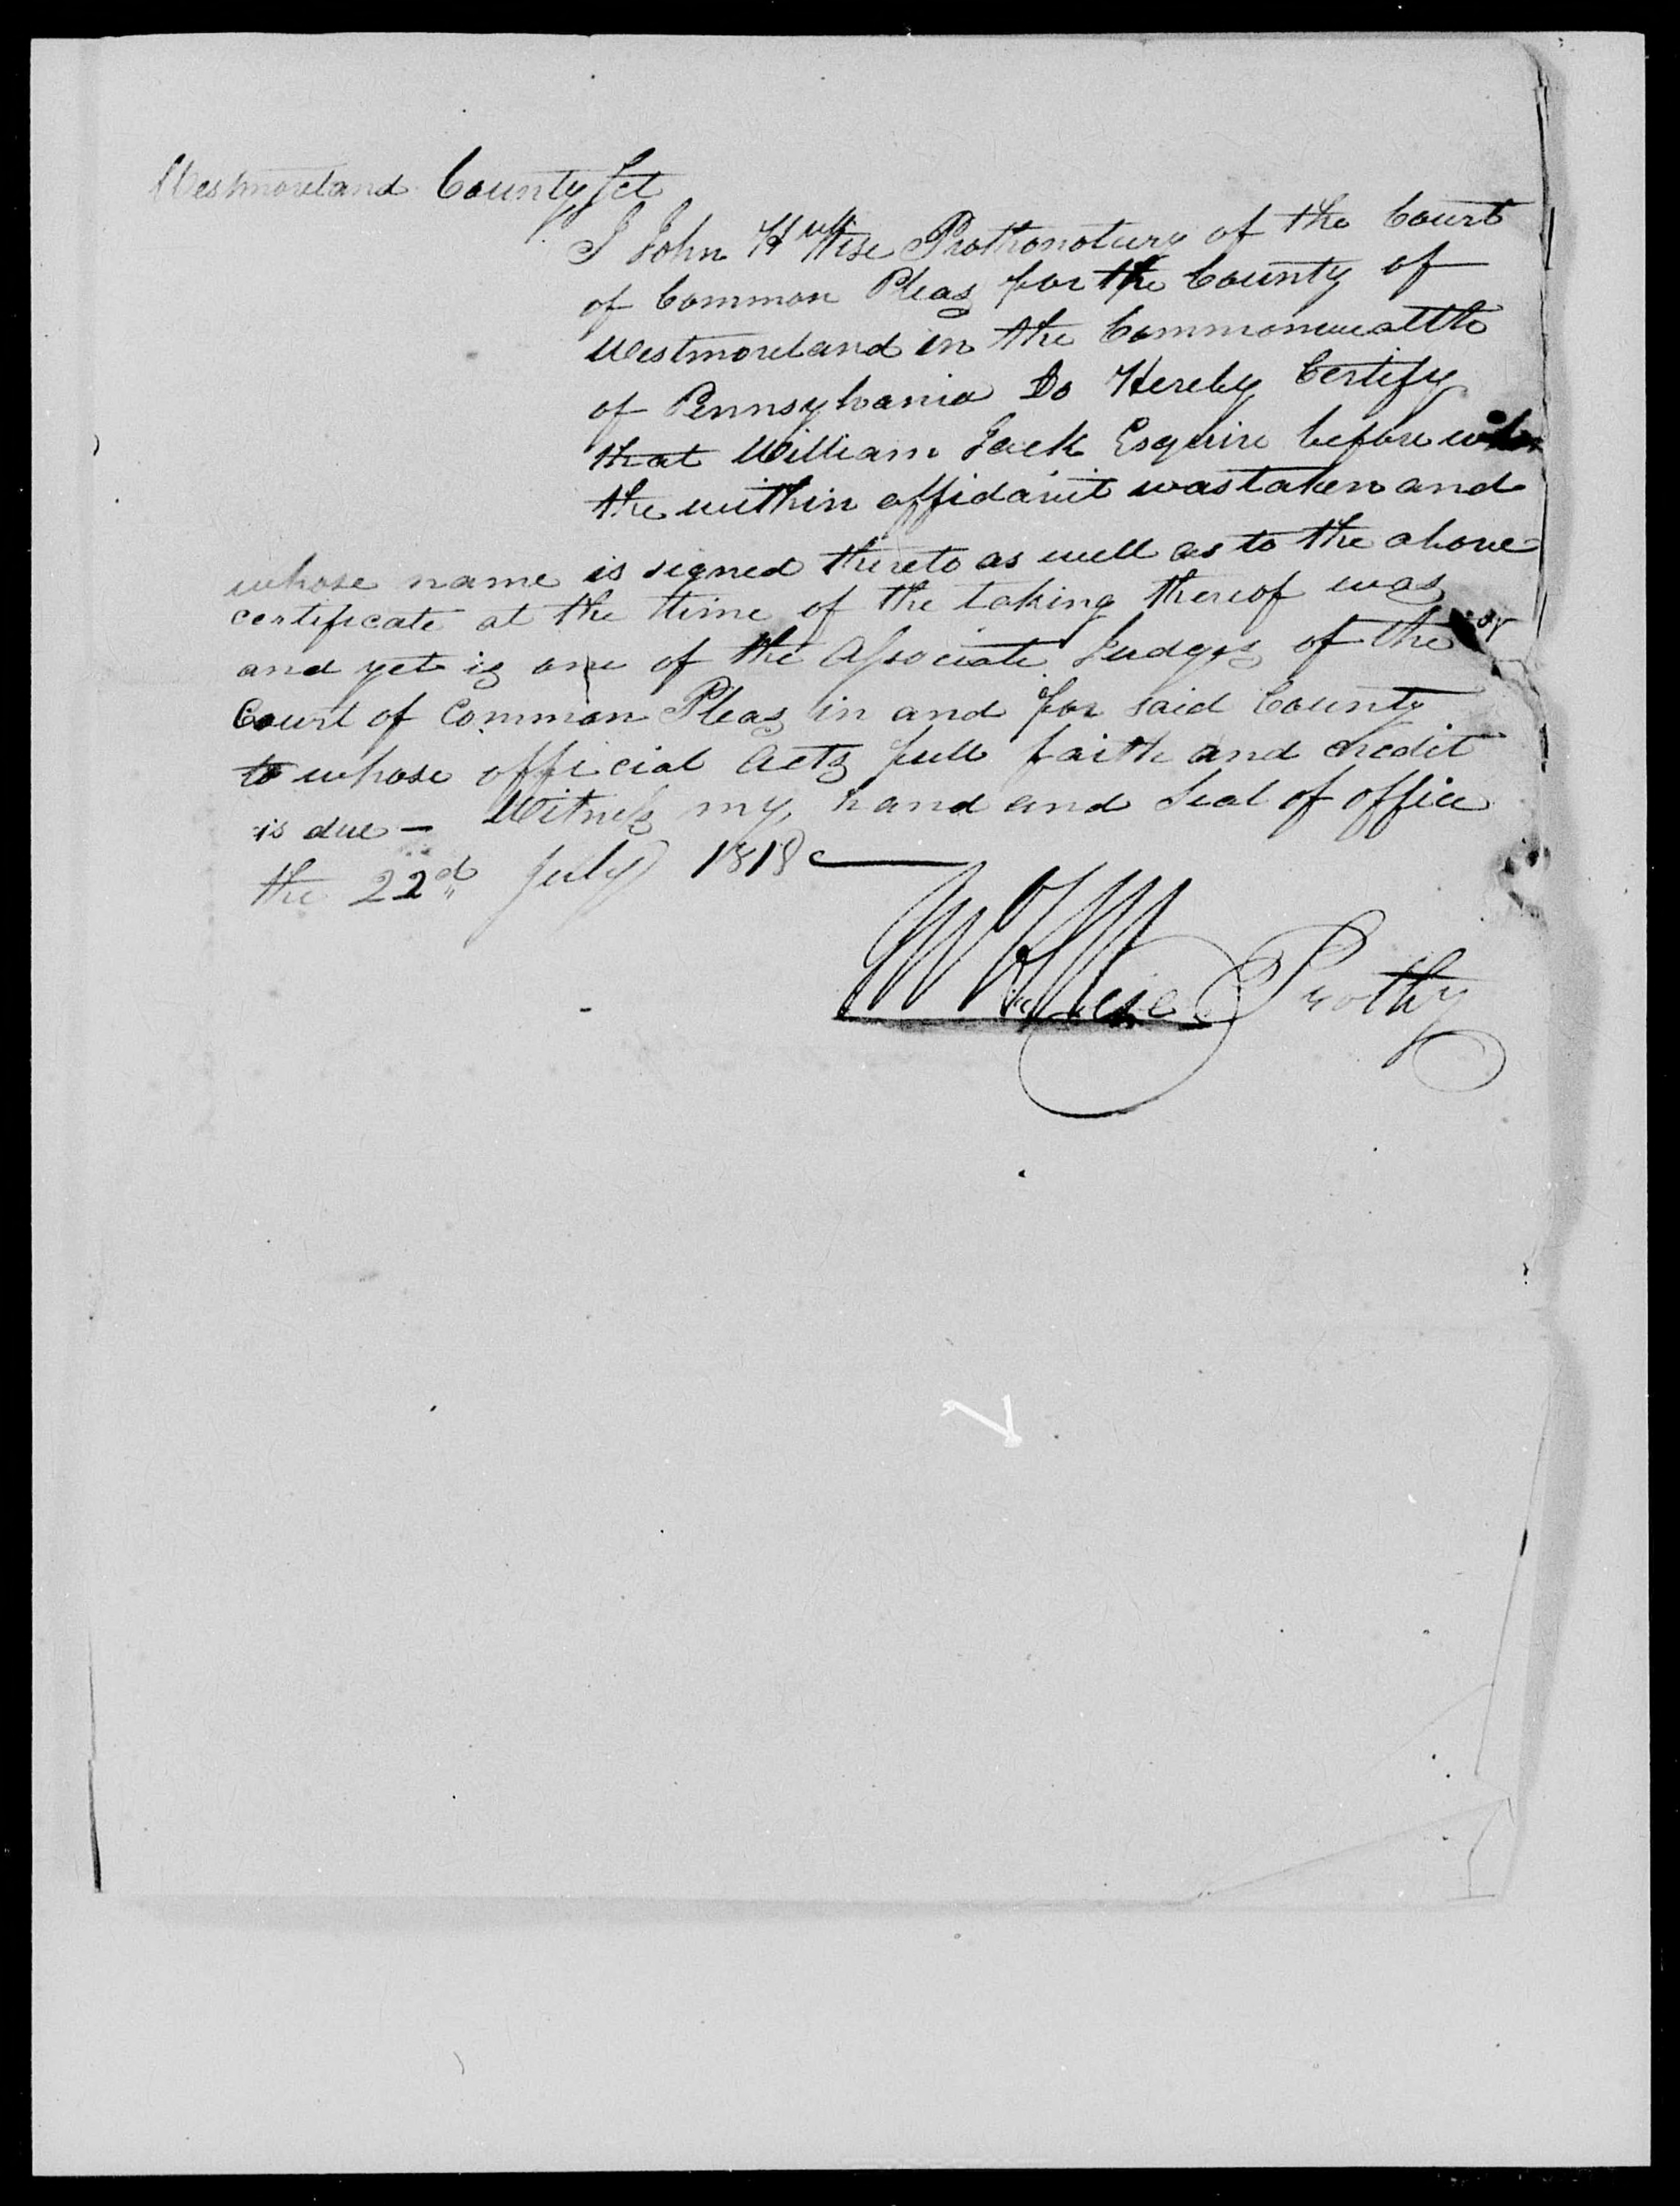Westmoreland County Set.
I John H Wise, Prothonotary of the Court of Common Pleas for the County of Westmoreland in the Commonwealth of Pennsylvania, do hereby certify that William Jack, Esquire, before whom the within affidavit was taken and whose name is signed thereto, as well as to the above certificate, at the time of the taking thereof was and yet is one of the Associate Judges of the Court of Common Pleas in and for said County, to whose official acts full faith and credit is due.
Witness my hand and seal of office the 22d July 1818.
John H. Wise, Prothy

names: William Jack; John H Wise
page: 6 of 20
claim: survivor's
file: S. 40,935, for Archibald Leech, Pennsylvania